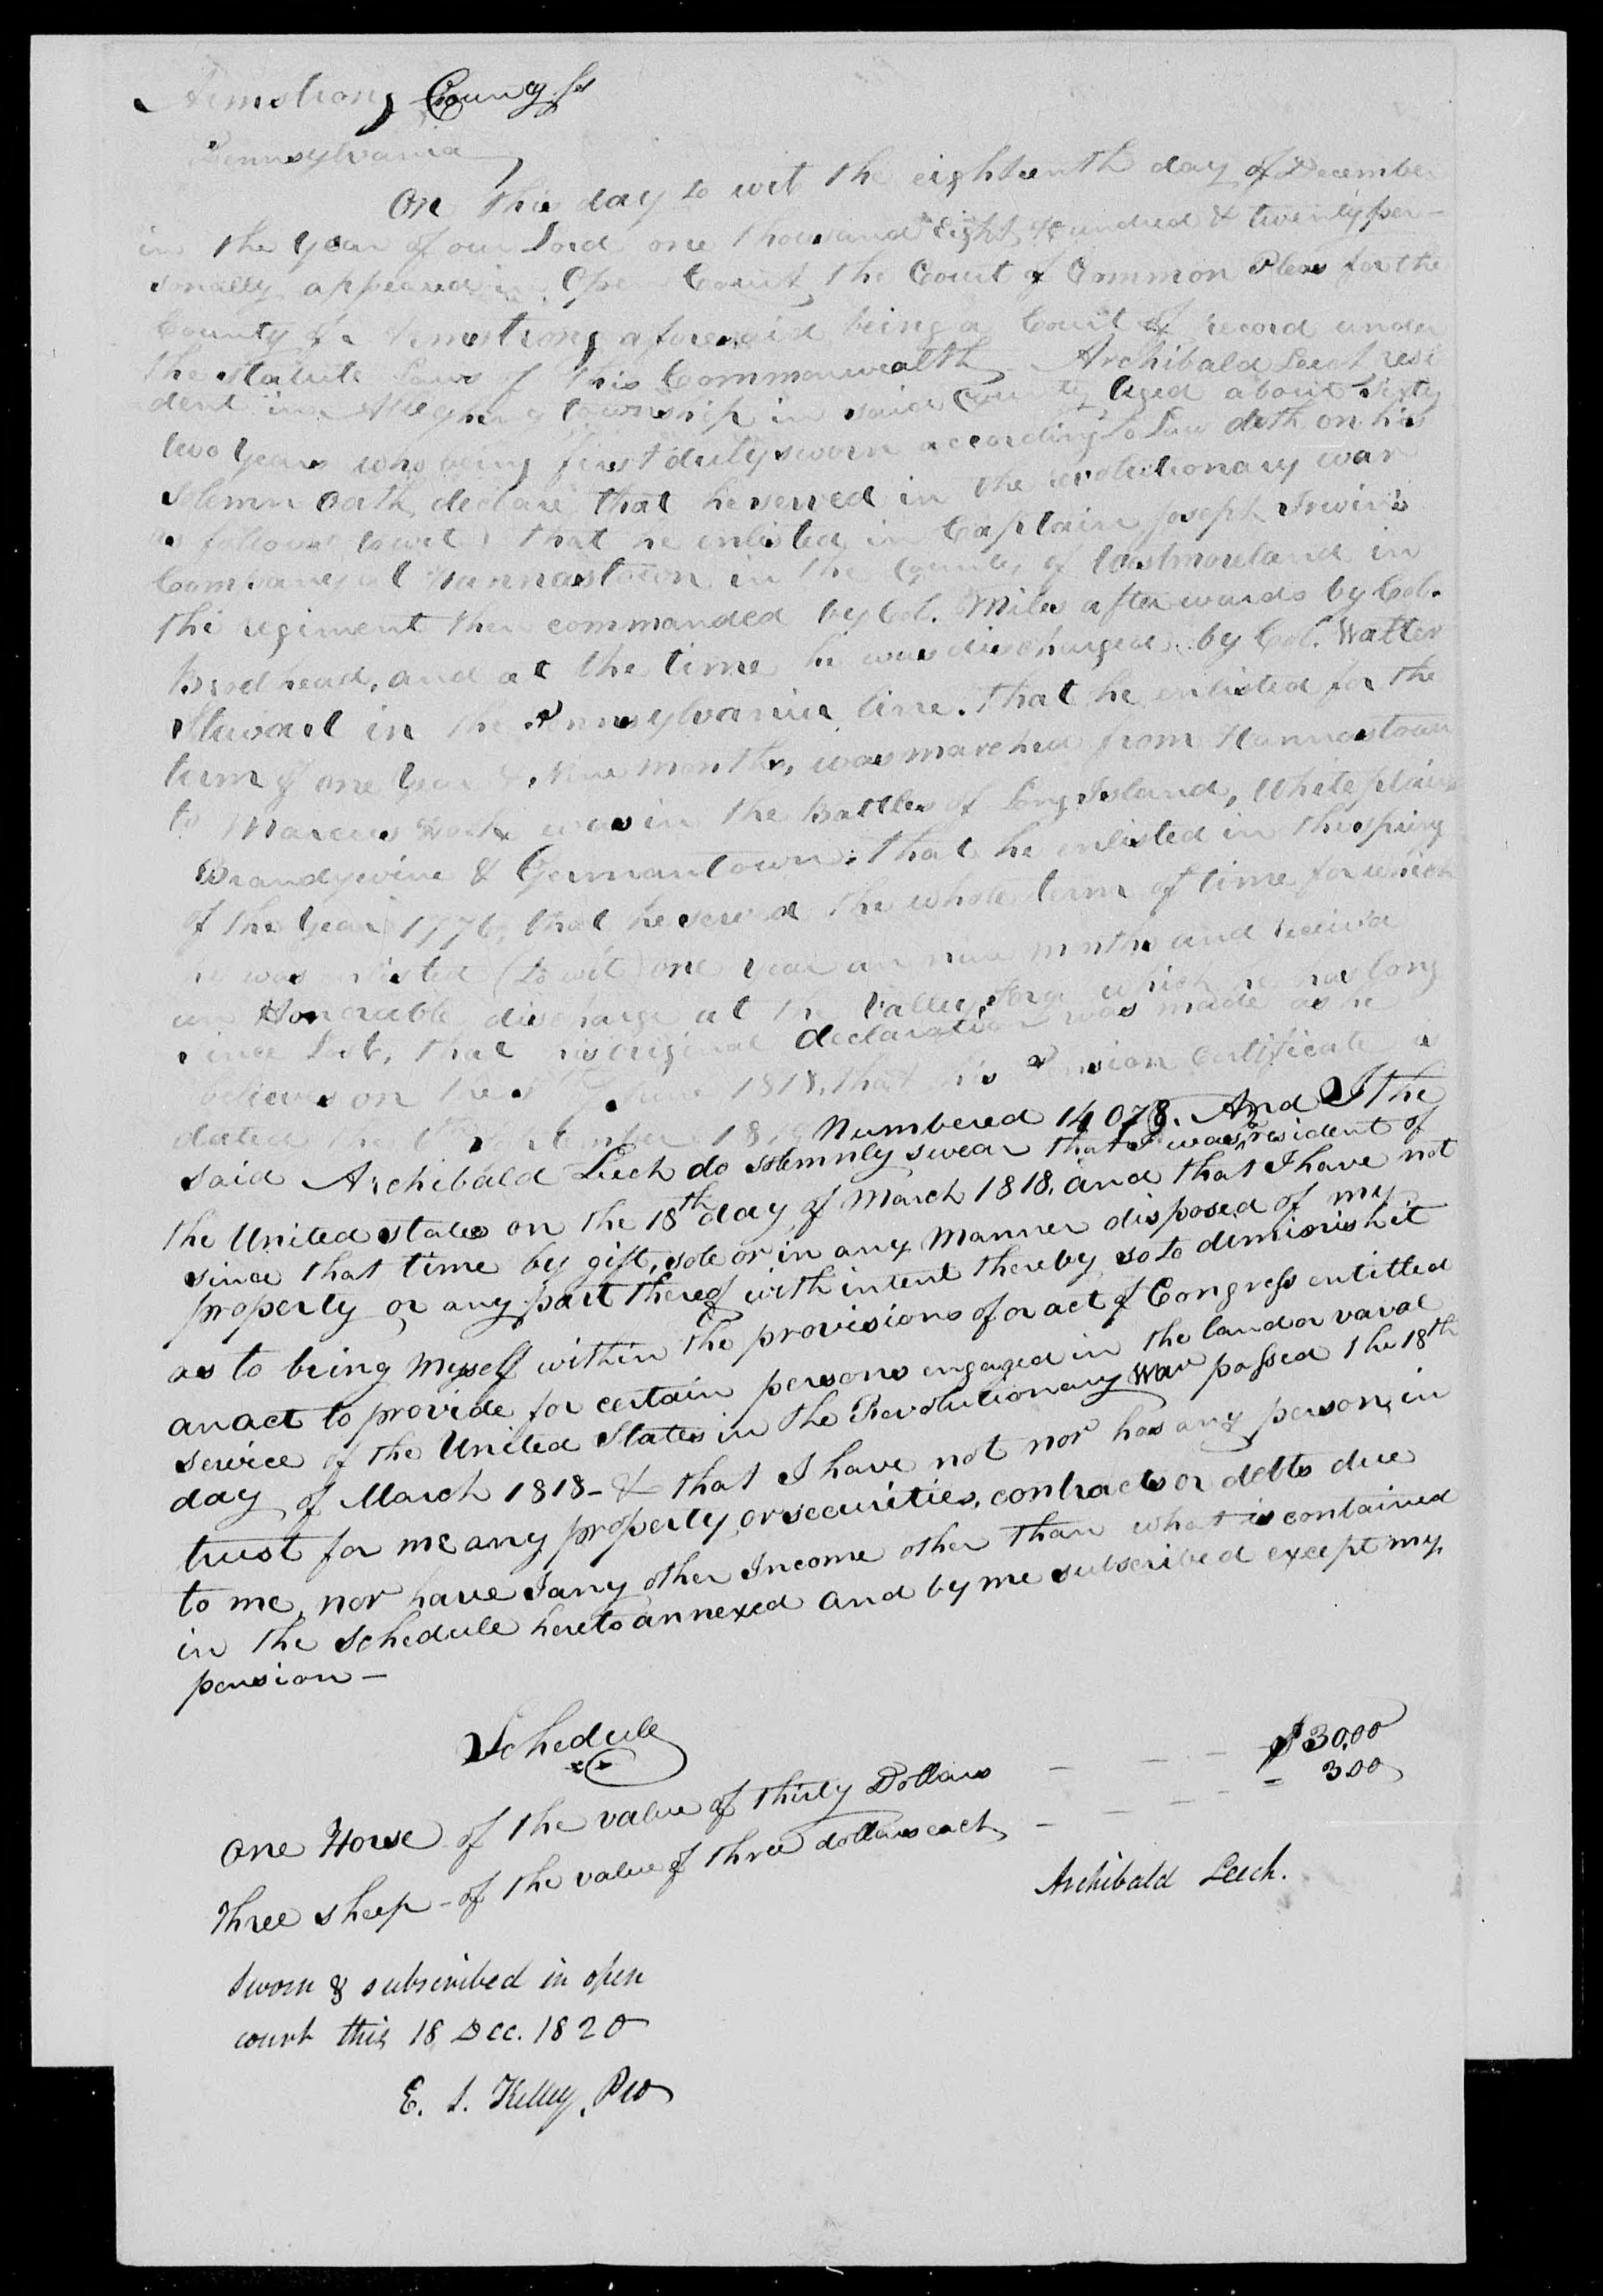Armstrong County ss
Pennsylvania
On this day to wit the eighteenth day of December in the year of our Lord one thousand Eight hundred and twenty, personally appeared in Open Court, the Court of Common Pleas for the County of Armstrong aforesaid, being a Court of record under the statute laws of this Commonwealth, Archibald Leech, resident in Allegheny Township in said County, aged about sixty-two years, who being first duly sworn according to Law doth on his solemn oath declare that he served in the revolutionary war as follows to wit: 
That he enlisted in Captain Joseph Irwin's Company at Hannastown in the County of Westmoreland in the regiment then commanded by Col. Miles, afterwards by Col. Brodhead, and at the time he was discharged, by Col. Walter Stewart in the Pennsylvania line. That he enlisted for the term of one year and nine months, was marched from Hannastown to Marcus Hook, was in the Battles of Long Island, White Plains, Brandywine and Germantown, that he enlisted in the spring of the year 1776, that he served the whole term of time for which he was enlisted (to wit, one year an nine months) and received an honorable discharge at the Valley Forge, which he has long since lost, that his original declaration was made as he believes on the 5th June 1818, that his pension certificate is dated the 6th September, 1819, Numbered 14078. And I, the said Archibald Leech, do solemnly swear that I was a resident of the United States on the 18th day of March 1818, and that I have not since that time by gift, sale or in any manner disposed of my property or any part thereof with intent thereby so to diminish it as to bring myself within the provisions of on act of Congress entitled "an act to provide for certain persons engaged in the land or naval service of the United States in the Revolutionary War" passed the 18th day of March 1818, and that I have not nor has any person in trust for me any property or securities, contracts or debts due to me, nor have I any other income other than what is contained in the schedule hereto annexed and by me subscribed except my pension.
Schedule
One Horse of the value of thirty Dollars: $30.00
Three sheep of the value of three dollars each: $3.00
Archibald Leech
Sworn and subscribed in open Court this 18 Dec. 1820
E. S. Kelley, Prothonotary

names: E S Kelley; [BLANK] Brodhead; [BLANK] Miles; Archibald Leech; Walter Stewart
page: 9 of 20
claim: survivor's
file: S. 40,935, for Archibald Leech, Pennsylvania